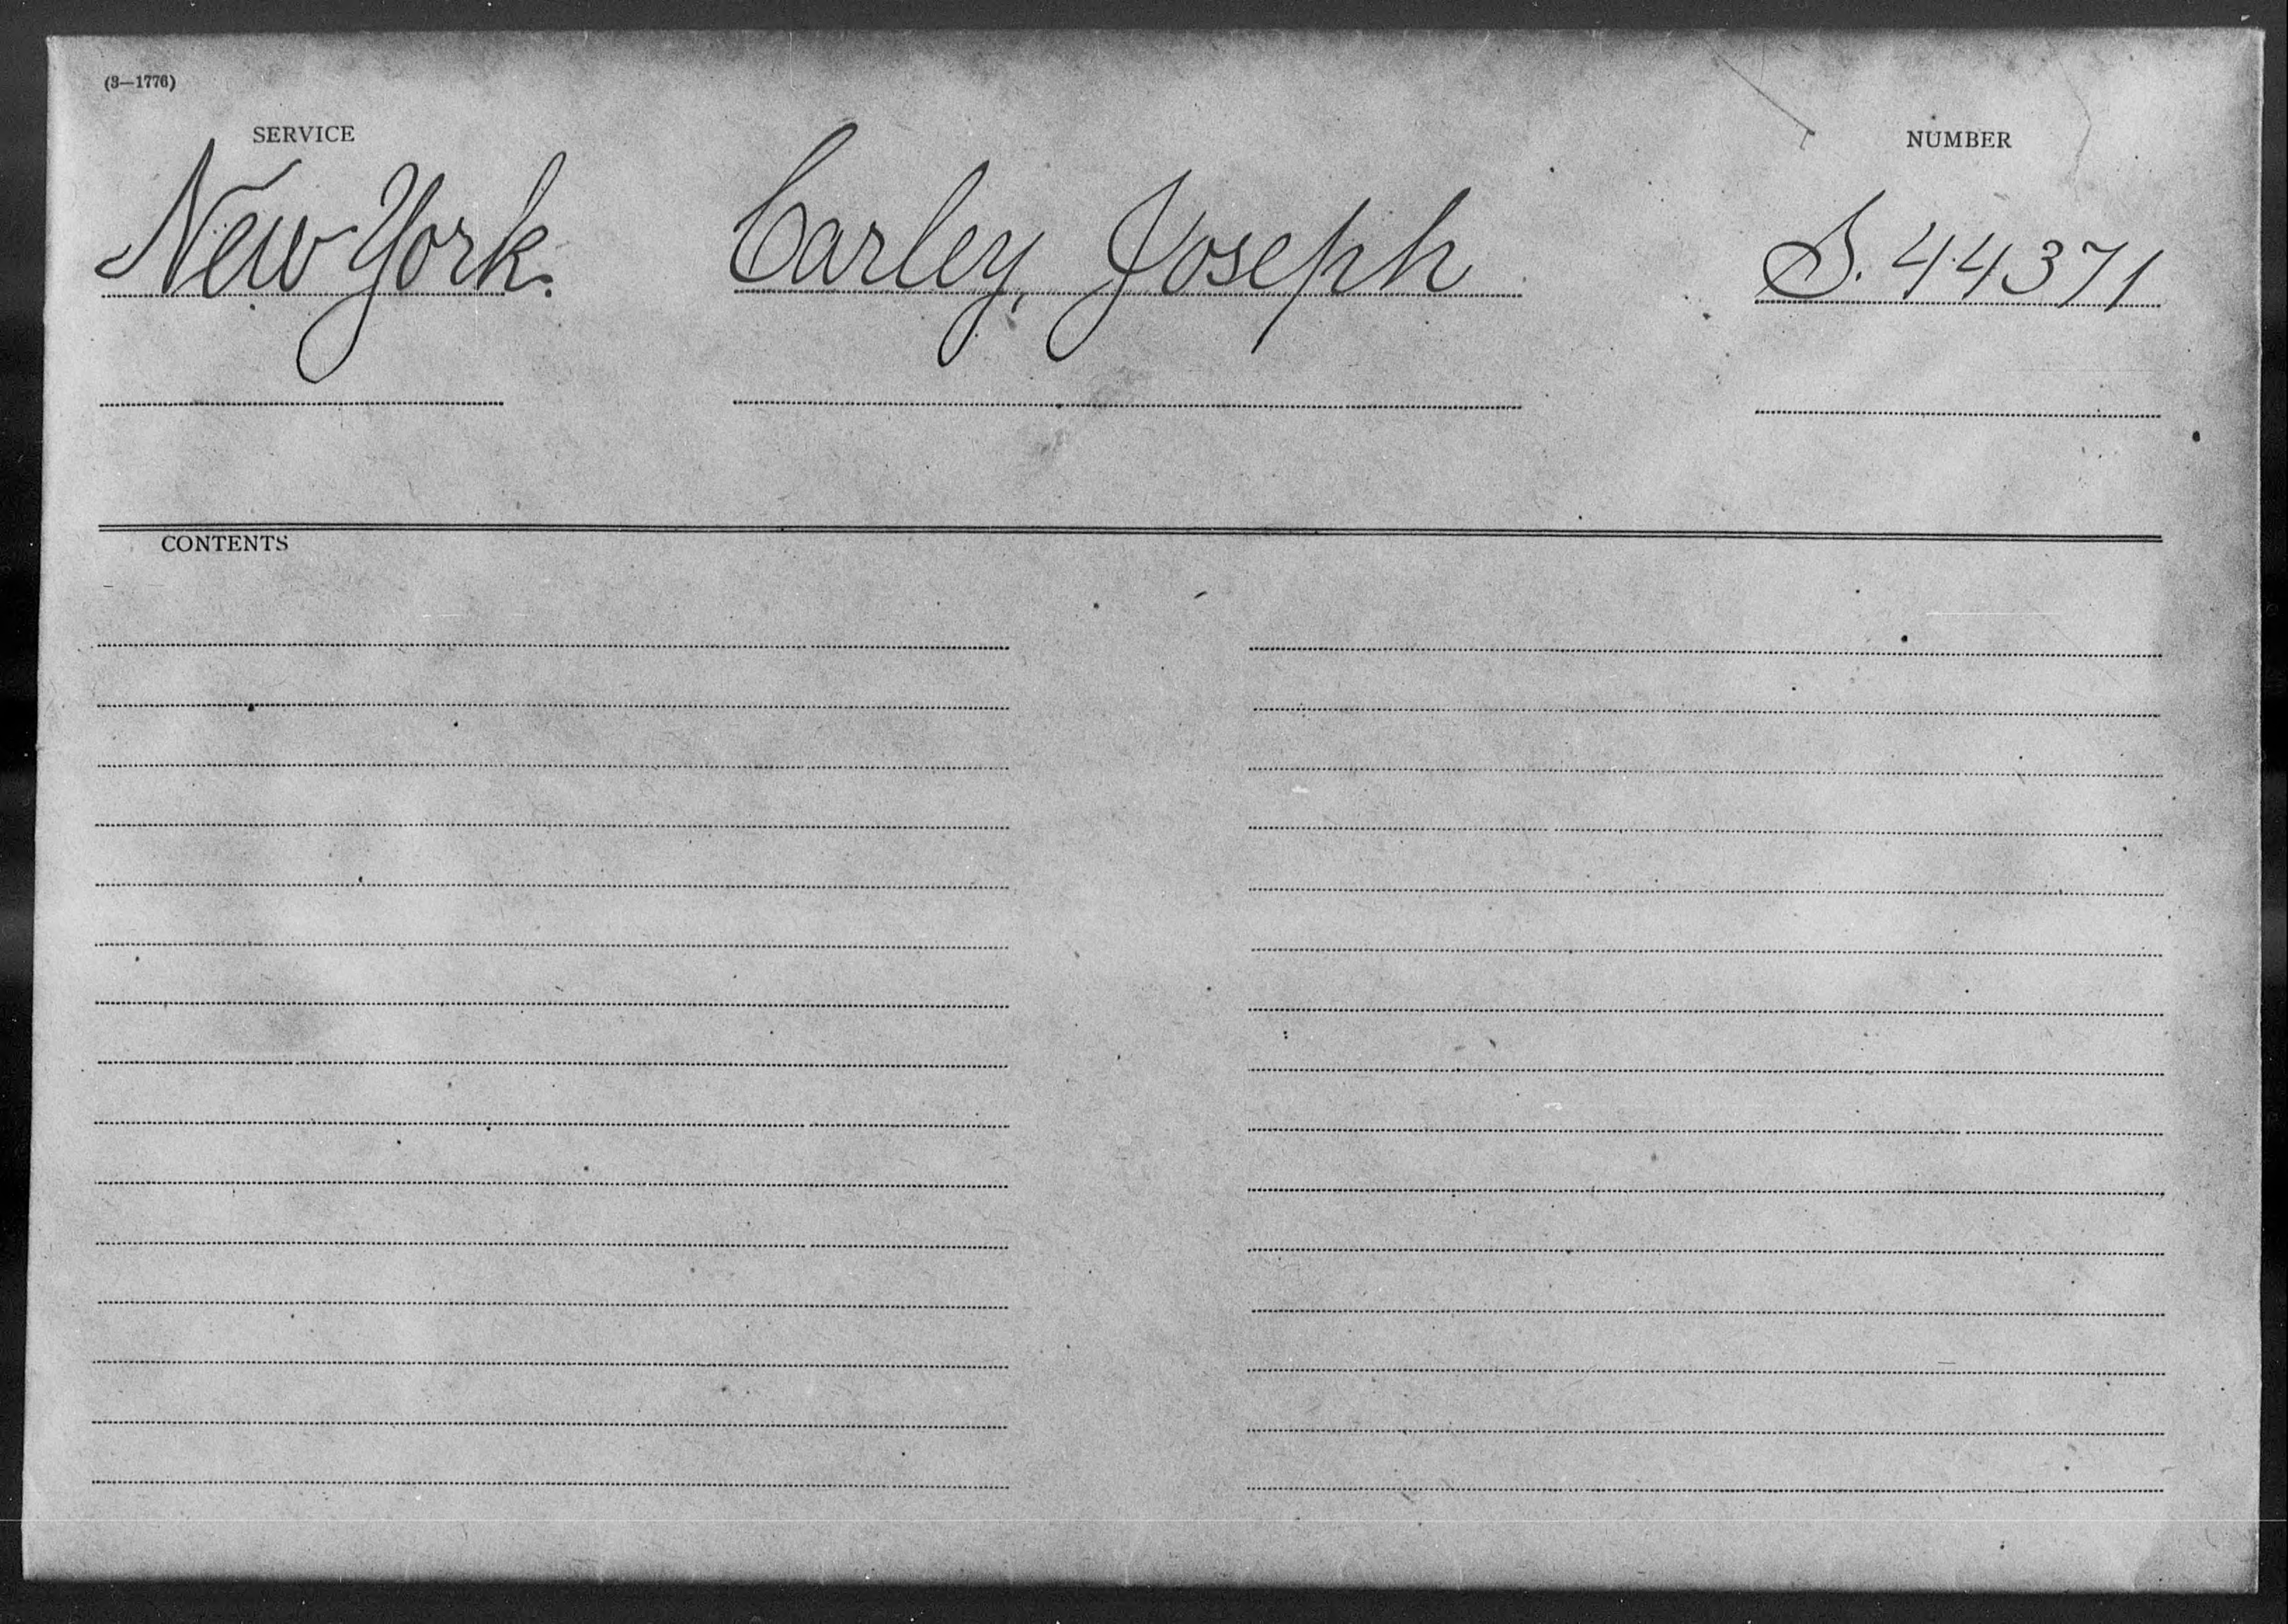Service - New York


Carley, Joseph


Number S.44371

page: 1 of 16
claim: survivor's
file: S. 44371, Joseph Carley, New York.